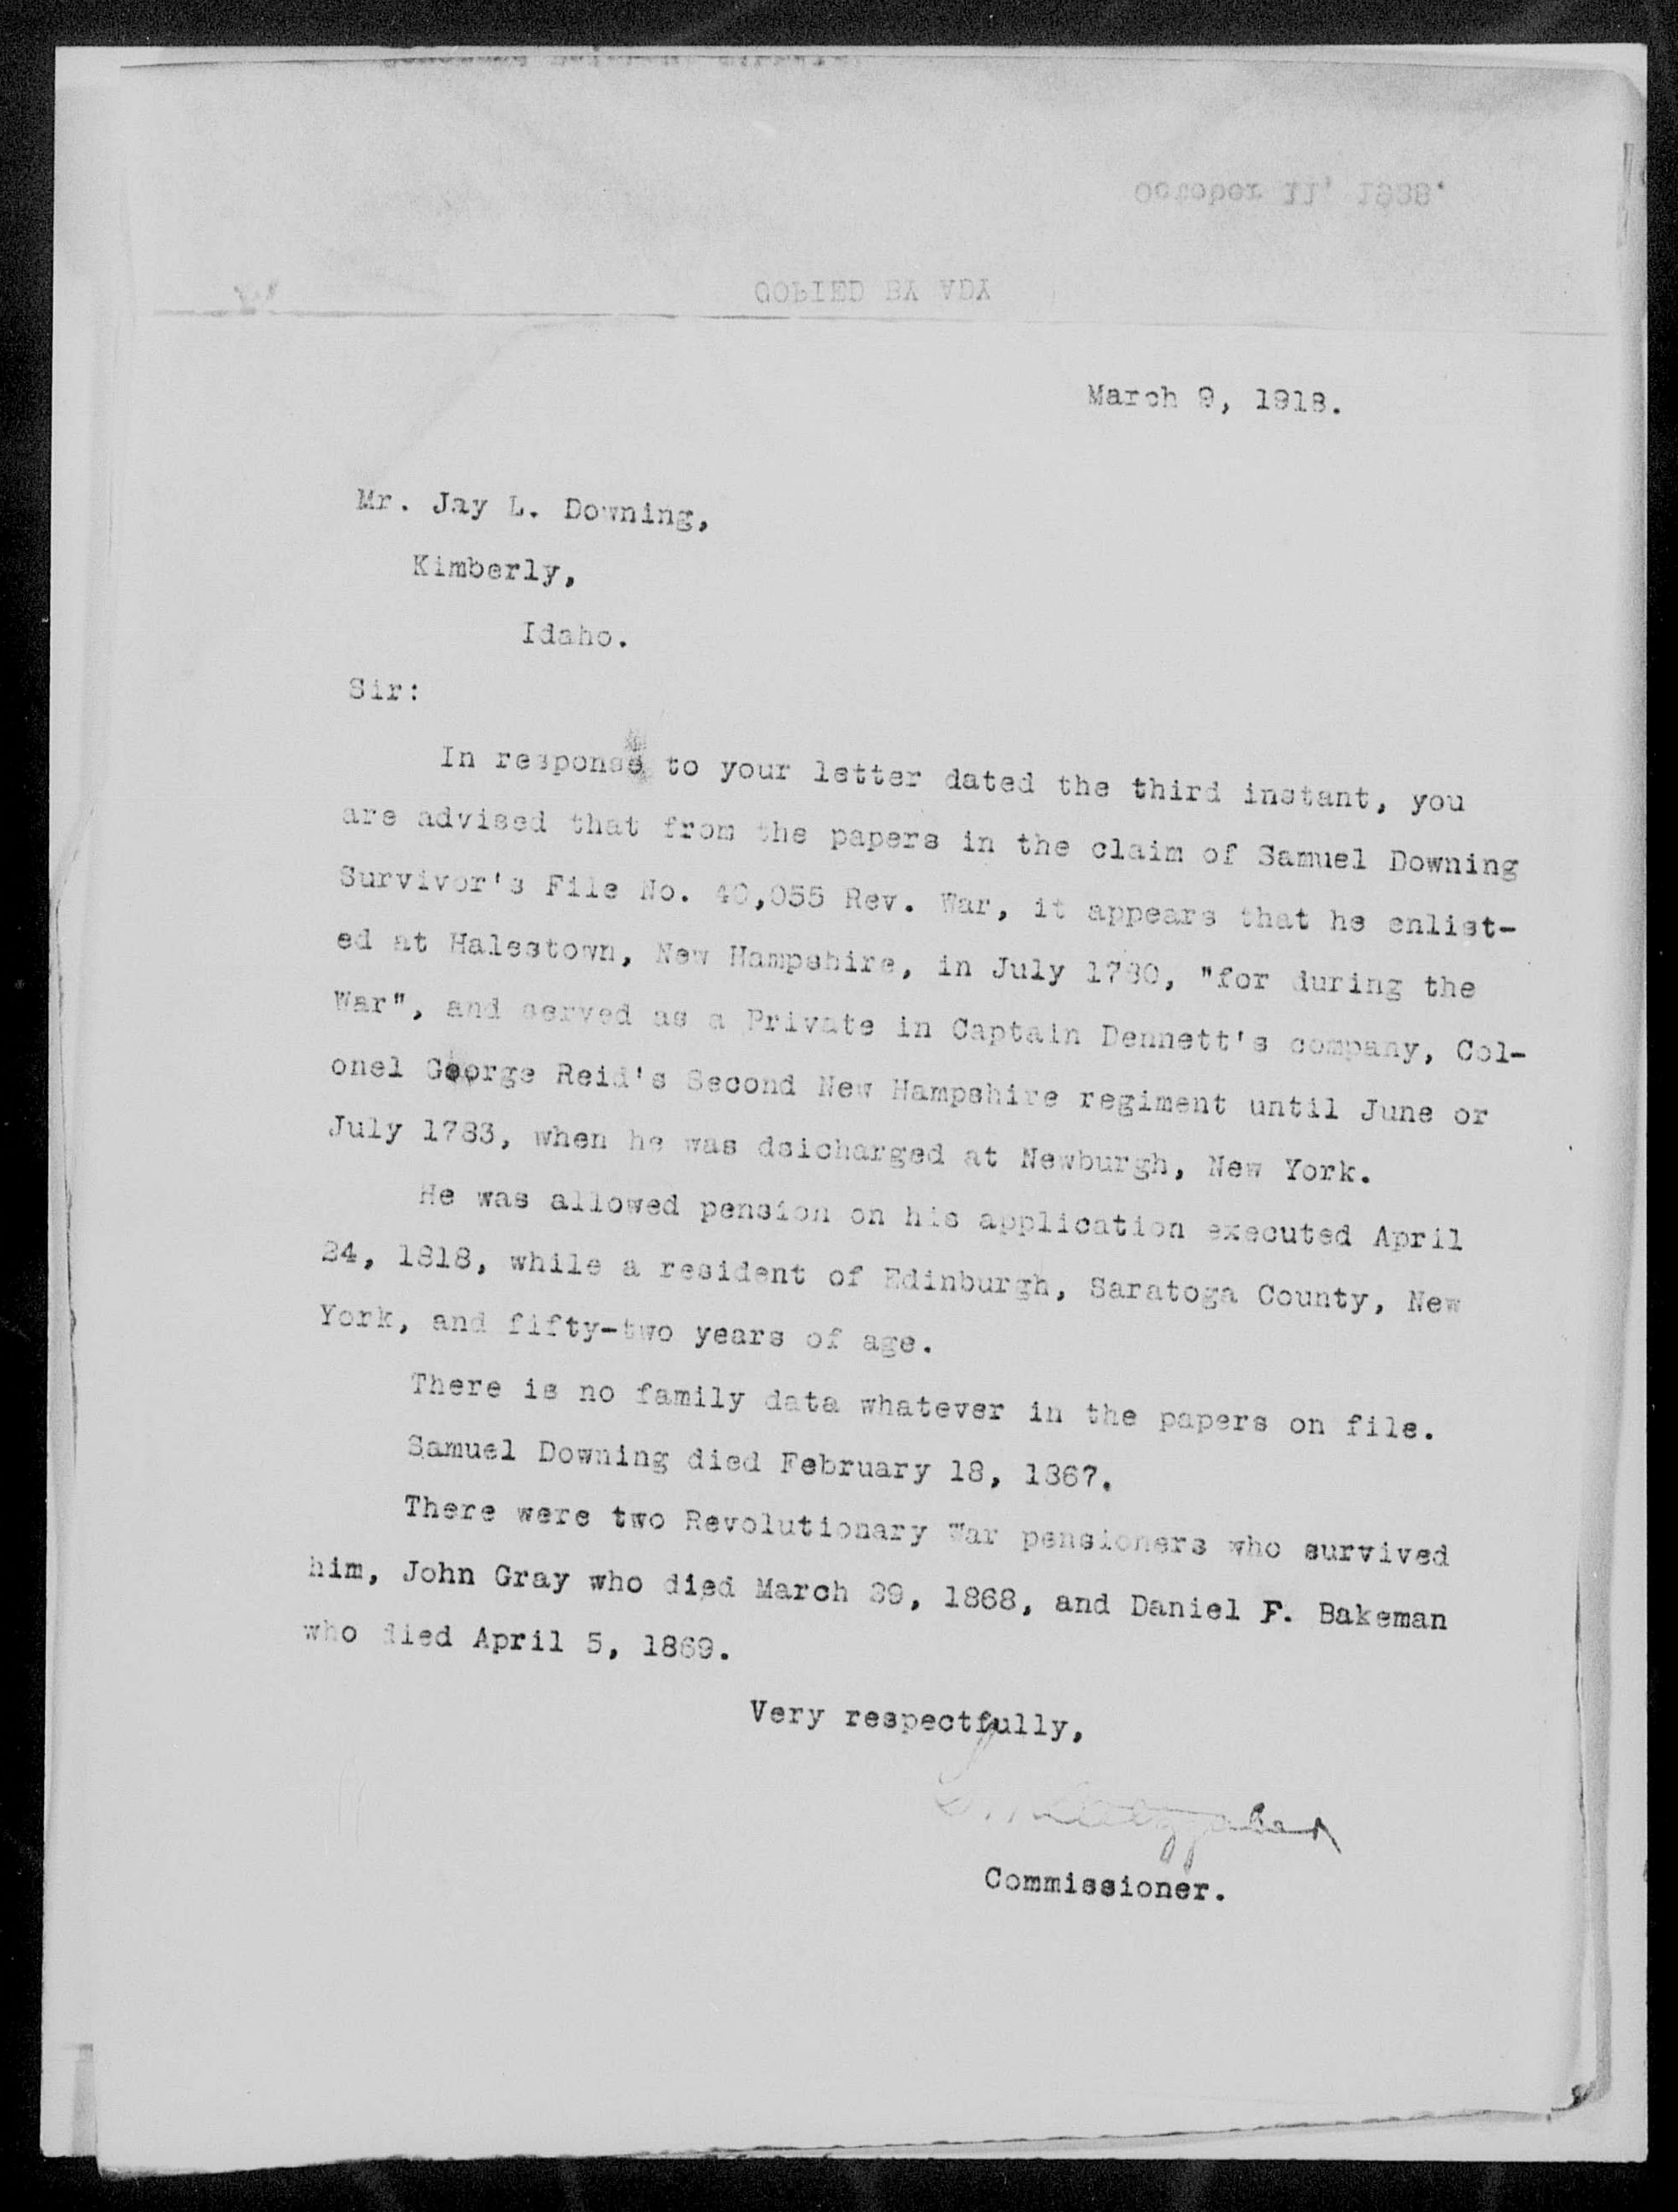March 9, 1918
Mr. Jay L. Downing,
Kimberly,
Idaho.
Sir:
In response to your letter dated the third instant, are advised that from the papers in the claim of Samuel Downing Survivor’s File No. 40,005 Rev. War, it appears that he enlisted at Halestown, New Hampshire, in July 1780, “for during the War”, and served as a Private in Captain Dennett’s company, Colonel George Reid’s Second New Hampshire regiment until June or July 1783, when he was discharged at Newburgh, New York.
He was allowed pension on his application executed April 24, 1818, while a resident of Edinburgh, Saratoga County, New York, and fifty-two years of age.
There is no family data whatever in the papers on file. Samuel Downing died February 18, 1867.
There were two Revolutionary War pensioners who survived him, John Gray who died March 29, 1868, and Daniel F. Bakeman who died April 5, 1869.
Very respectfully,
(illegible)
Commissioner.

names: Daniel F Bakeman, Jay L Downing, G Saltzgaber, Samuel Downing, Samuel Downing, John Gray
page: 20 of 56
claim: survivor's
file: S. 40,055, Samuel Downing, N.H.